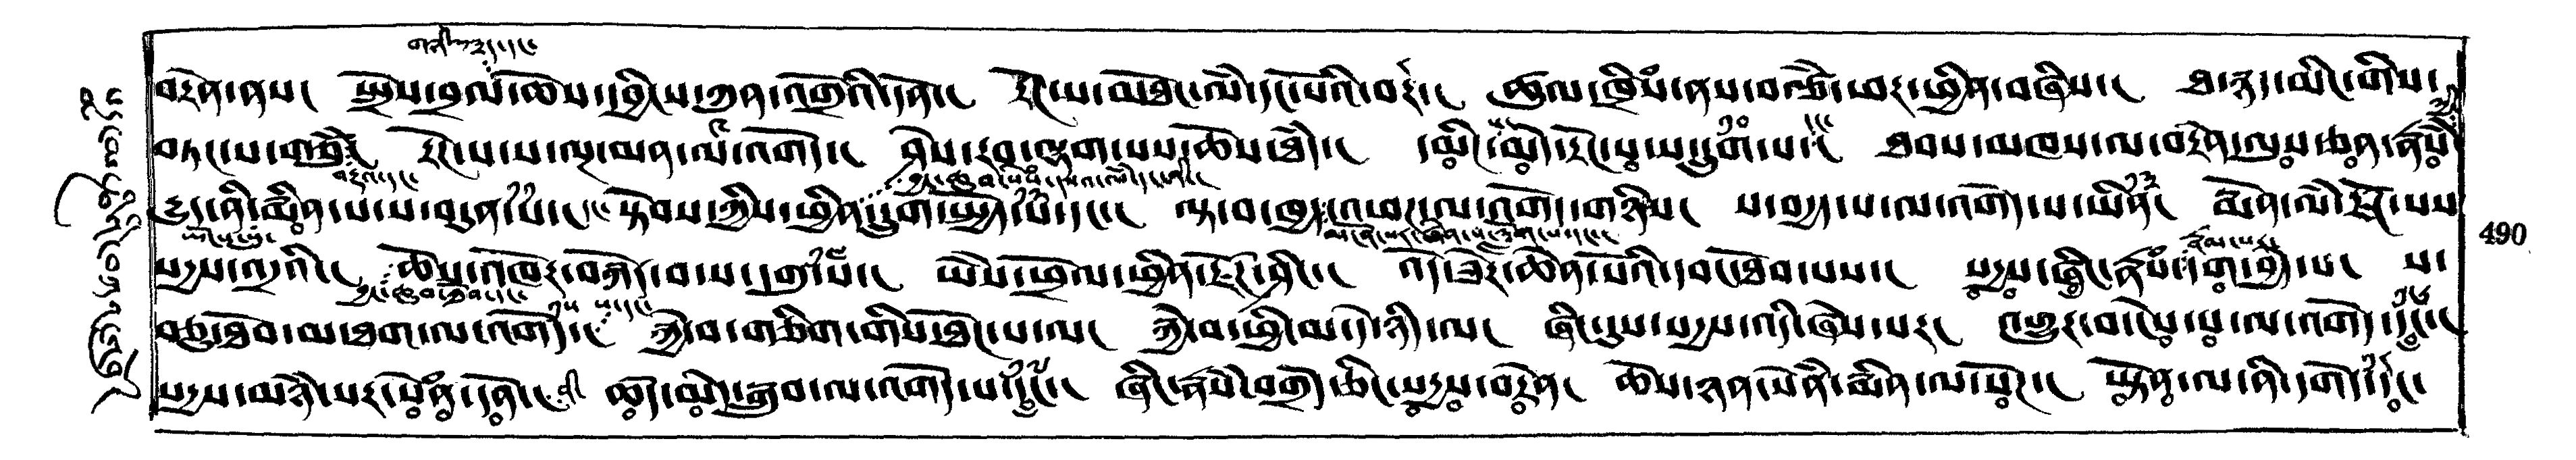བརྟེན་ནས། །སྤྲོས་བྲལ་གཉིས་ཟད་དང་། ཆོས་དབྱིངས་ཀུན་འགྲོའི་དོན། །རྟོགས་པ་མཐོང་ལམ་དང་པོའི་བར། །ཚུལ་ཁྲིམས་ནས་བརྩམ་ཕར་ཕྱིན་བཞིས། །ཐ་སྙད་མིང་གིས་
བཏགས་པ་གསུམ།། བརྡའ་དང་རྟོགས་པ་ས་ལྔ་མན་ལ་འགོད། །ཤེས་རབ་ལྷག་པས་ཆོས་ཐམས་ཅད། །དམིགས་མེད་རྟོགས་པ་ས་དྲུག་པ། །ཐབས་མཁས་ལ་བརྟེན་ལུས་ཅན་རྣམས།། ཀྱི་
རྒྱུད་ཡོངས་སུ་ནི་སྨིན་པ་ས་བདུན་པ། །སྟོབས་ཀྱིས་ཕྱིན་བྱང་ཆུབ་སེམས་དཔའ་ལམ་དང་ནི།དྲུག་སྤྱོད་པ་དང་། །ལྟ་བ་ཁྱད་མངཽན་པར་ཞེན་པ་ཟློག་པ་དང་། འཕགས་ལ་འགོད་གཉིས། །ས་བརྒྱད་པ་ལ་འགོད་པ་ཡིན། །སྨོན་ལམ་རྫོགས་པས་
སངས་རྒྱས་འདྲའི།། བྱང་ཆུབ་ཐོབ་དང་ཆོས་འཁོར་བསྐོར་བ་ས་དགུ་པ། །ཡེ་ཤེས་ཕ་རོལ་ཕྱིན་རྫོགས་ཤིང་། །འོད་ཟེར་ཆེན་པོའི་དབང་ཐོབ་པས། །སངས་རྒྱས་ཞིང་རྣམས་རྣམ་པར་དག་བྱེད་པ། །ས་
བཅུ་ཐོབ་མ་ཐག་ལ་འགོད། །སྐྱེ་བ་གཅིག་གིས་ཐོགས་པ་ལ། །སྐྱེ་བ་ཕྱི་མ་དེ་ཉིད་ལ། །ཞིང་དུས་སངས་རྒྱས་འདི་ཞེས་པར། །འགྱུར་བ་ངེས་པ་ལ་འགོད་དང་། །
སངས་རྒྱས་མཉམ་པར་སེམས་ཅན་དོན། །ཚད་མེད་སྒྲུབ་ལ་འགོད་པ་དང་། །ཞིང་རྣམས་བགྲོད་ཅིང་སངས་རྒྱས་བསྟེན། །ཆོས་ཉན་སེམས་ཅན་སྨིན་ལ་སོགས། །ཡོན་ཏན་ལ་ནི་འགོད་དང་